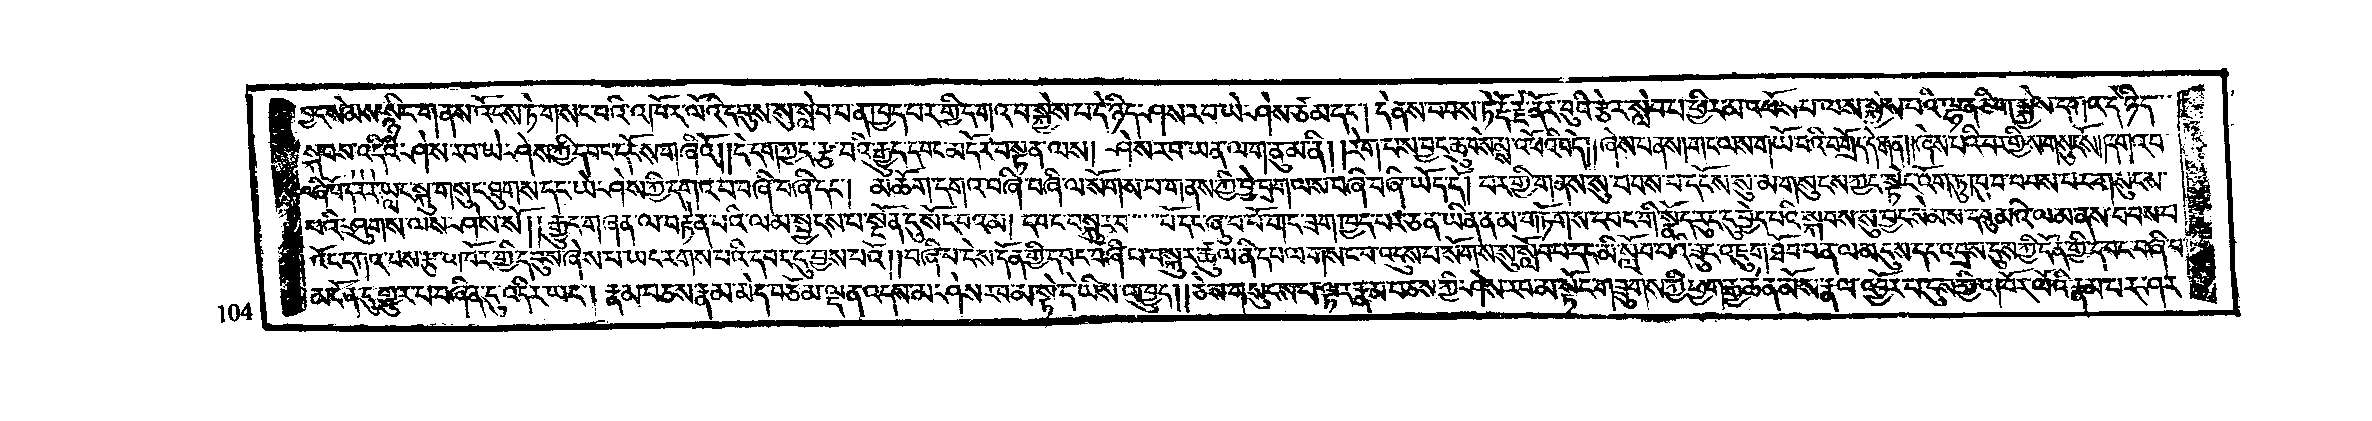བྱང་སེམས་སྙིང་གནས་འོངས་ཏེ་གསང་བའི་འཁོར་ལོའི་དབུས་སུ་སླེབ་པ་ན་ཁྱད་པར་གྱི་དགའ་བ་སྐྱེས་པ་དེ་ཉིད་ཤེས་རབ་ཡེ་ཤེས་ཙམ་དང་། དེ་ནས་བབས་ཏེ་རྡོ་རྗེ་ནོར་བུའི་རྩེར་སླེབ་པ་ཕྱིར་མ་འཕོས་པ་ལས་སྐྱེས་པའི་ལྷན་ཅིག་སྐྱེས་དགའ་དེ་ཉིད་
སྐབས་འདིའི་ཤེས་རབ་ཡེ་ཤེས་ཀྱི་དབང་དངོས་གཞིའོ། །དེ་དག་ཀྱང་རྩ་བའི་རྒྱུད་དབང་མདོར་བསྟན་ལས། ཤེས་རབ་ཡན་ལག་ནུ་མ་ནི། །རེག་པས་བྱང་ཆུབ་སེམས་འཕོའི་བདེ། །ཞེས་པ་ནས་གང་ལས་གཡོ་བའི་བགྲོད་དེ་རྒན། །ཞེས་པའི་བར་གྱིས་གསུངས་སོ། །དགའ་བ་
བཞི་པོ་དེ་རེ་རེ་ལ་ཡང་སྐུ་གསུང་ཐུགས་དང་ཡེ་ཤེས་ཀྱི་དགའ་བ་བཞི་བཞི་དང་། མཆོག་དགའ་བཞི་བཞི་ལ་སོགས་པ་གནས་ཀྱི་བྱེ་བྲག་ལས་བཞི་བཞི་ཡོད་དོ། །བར་གྱི་གནས་སུ་བབས་པ་དངོས་སུ་མ་གསུངས་ཀྱང་སྟེང་འོག་ཏུ་ཁུ་བ་བབས་པར་གསུངས་
པའི་ཤུགས་ལས་ཤེས་སོ། །རྒྱུད་གཞན་ལ་བརྟེན་པའི་ལམ་སྦྱངས་པ་སྔོན་དུ་སོང་བའམ། དབང་བསྐུར་བ་པོ་དང་ཞུ་བ་པོ་གང་ཟག་ཁྱད་པར་ཅན་ཡིན་ན་མ་གཏོགས་དབང་གི་སྣོད་རུང་དུ་བྱེད་པའི་སྐབས་སུ་བྱང་སེམས་དབུ་མའི་ལམ་ནས་བབས་པ་
འོང་དཀའ་བས་རྩ་འཁོར་གྱི་དབུས་ཞེས་པ་ཡང་རགས་པའི་དབང་དུ་བྱས་པའོ། །བཞི་པ་ངེས་དོན་གྱི་དབང་བཞི་པ་བསྐུར་ཚུལ་ནི་དཔལ་གསང་བ་འདུས་པ་སོགས་སུ་སློབ་པ་དང་མི་སློབ་པའི་ཟུང་འཇུག་ཐོབ་པ་ན་ལམ་དུས་དང་འབྲས་དུས་ཀྱི་དོན་གྱི་དབང་བཞི་པ་
མངོན་དུ་གྱུར་པ་བཞིན་དུ་འདིར་ཡང་། རྣམ་བཅས་རྣམ་མེད་བཅོམ་ལྡན་འདས་མ་ཤེས་རབ་མ་སྟེ་དེ་ཡིས་འཁྱུད། །ཅེས་གསུངས་པ་ལྟར་རྣམ་བཅས་ཀྱི་ཤེས་རབ་མ་སྟོང་གཟུགས་ཀྱི་ཕྱག་རྒྱ་ཆེན་མོས་རྣལ་འབྱོར་པ་དུས་ཀྱི་འཁོར་ལོའི་རྣམ་པར་ཤར་